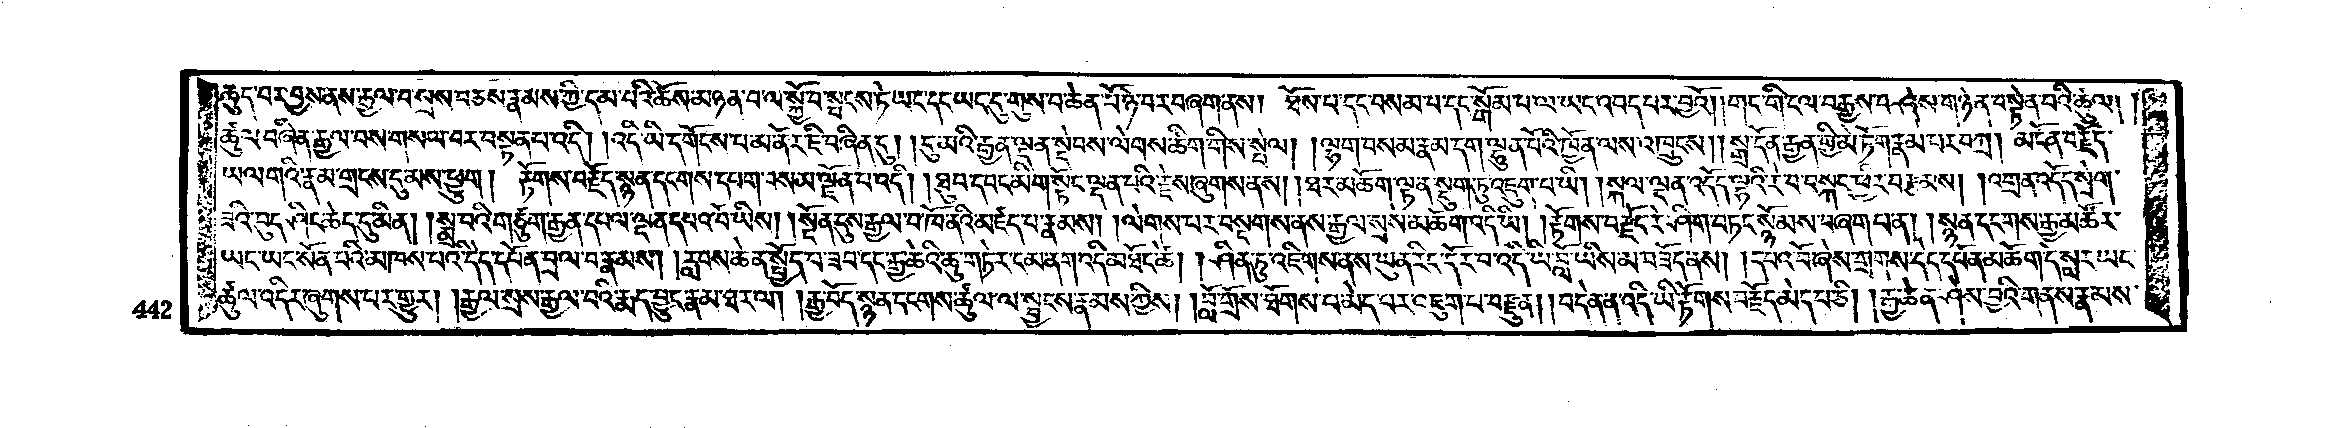ཆུད་པར་བྱས་ནས་རྒྱལ་བ་སྲས་བཅས་རྣམས་ཀྱི་དམ་པའི་ཆོས་མཉན་པ་ལ་སྐྱོ་བ་སྤངས་ཏེ་ཡང་དང་ཡང་དུ་གུས་པ་ཆེན་པོ་ཉེ་བར་བཞག་ནས། ཐོས་པ་དང་བསམ་པ་དང་སྒོམ་པ་ལ་ཡང་འབད་པར་བྱའོ། །གང་གི་ངལ་བརྒྱས་བཤེས་གཉེན་བསྟེན་པའི་ཚུལ། །
ཚུལ་བཞིན་རྒྱལ་བས་གསལ་བར་བསྟན་པ་འདི། །འདི་ཡི་དགོངས་པ་མ་ནོར་ཇི་བཞིན་དུ། །དུ་མའི་རྒྱན་ལྡན་སྡེབས་ལེགས་ཚིག་གིས་སྤེལ། །ལྷག་བསམ་རྣམ་དག་ལྷུན་པོའི་ཁྱོན་ལས་འཁྲུངས། །སྒྲ་དོན་རྒྱན་གྱི་མེ་ཏོག་རྣམ་པར་བཀྲ། མངོན་བརྗོད་
ཡལ་གའི་རྣམ་གྲངས་དུ་མས་ཕྱུག །རྟོགས་བརྗོད་སྙན་དང་གས་དཔག་བསམ་ལྗོན་པ་འདི། །ཐུབ་དབང་མིག་སྟོང་ལྡན་པའི་རྗེས་ཞུགས་ནས། །ཐར་མཆོག་ལྟ་ན་སྡུག་ཏུ་འཇུག་པ་ཡི། །སྐལ་ལྡན་འདོད་ལྷའི་རེ་བ་བསྐང་ཕྱིར་བརྩམས། །འགྲན་འདོད་སྲེག་
ཟའི་བུད་ཤིང་ཆེད་དུ་མིན། །སྨྲ་བའི་གཙུག་རྒྱན་དཔལ་ལྡན་དཔའ་བོ་ཡིས། །སྔོན་དུས་རྒྱལ་བ་ཁོ་ནའི་མཛད་པ་རྣམས། །ལེགས་པར་བསྔགས་ནས་རྒྱལ་སྲས་མཆོག་འདི་ཡི། །རྟོགས་བརྗོད་རེ་ཤིག་བཏང་སྙོམས་བཞག་པ་ན། །སྙན་དང་གས་རྒྱ་མཚོར་
ཡང་ཡང་སོན་པའི་མཁས་པའི་དེད་དཔོན་བྲལ་བ་རྣམས། །རླབས་ཆེན་སྤྱོད་པ་ཟབ་དང་རྒྱ་ཆེའི་ཆུ་གཏེར་ངམ་ནག་འདི་མཐོང་ཚེ། །ཤིན་ཏུ་འཇིགས་ནས་ཡུན་རིང་དོར་བ་འདི་ཡི་བློ་ཡིས་མ་བཟོད་ནས། །དཔའ་བོ་ཞེས་གྲགས་དེད་དཔོན་མཆོག་དེ་སླར་ཡང་
ཚུལ་འདིར་ཞུགས་པར་གྱུར། །རྒྱལ་སྲས་རྒྱལ་བའི་རྨད་བྱུང་རྣམ་ཐར་ལ། །རྒྱ་བོད་སྙན་དངགས་ཚུལ་ལ་སྦྱངས་རྣམས་ཀྱིས། །བློ་གྲོས་ཐོགས་པ་མེད་པར་འཇུག་པ་བརྫུན། །བདེན་ན་འདི་ཡི་རྟོགས་བརྗོད་མེད་པ་ཅི། །རྒྱ་ཆེན་ཤེས་བྱའི་གནས་རྣམས་